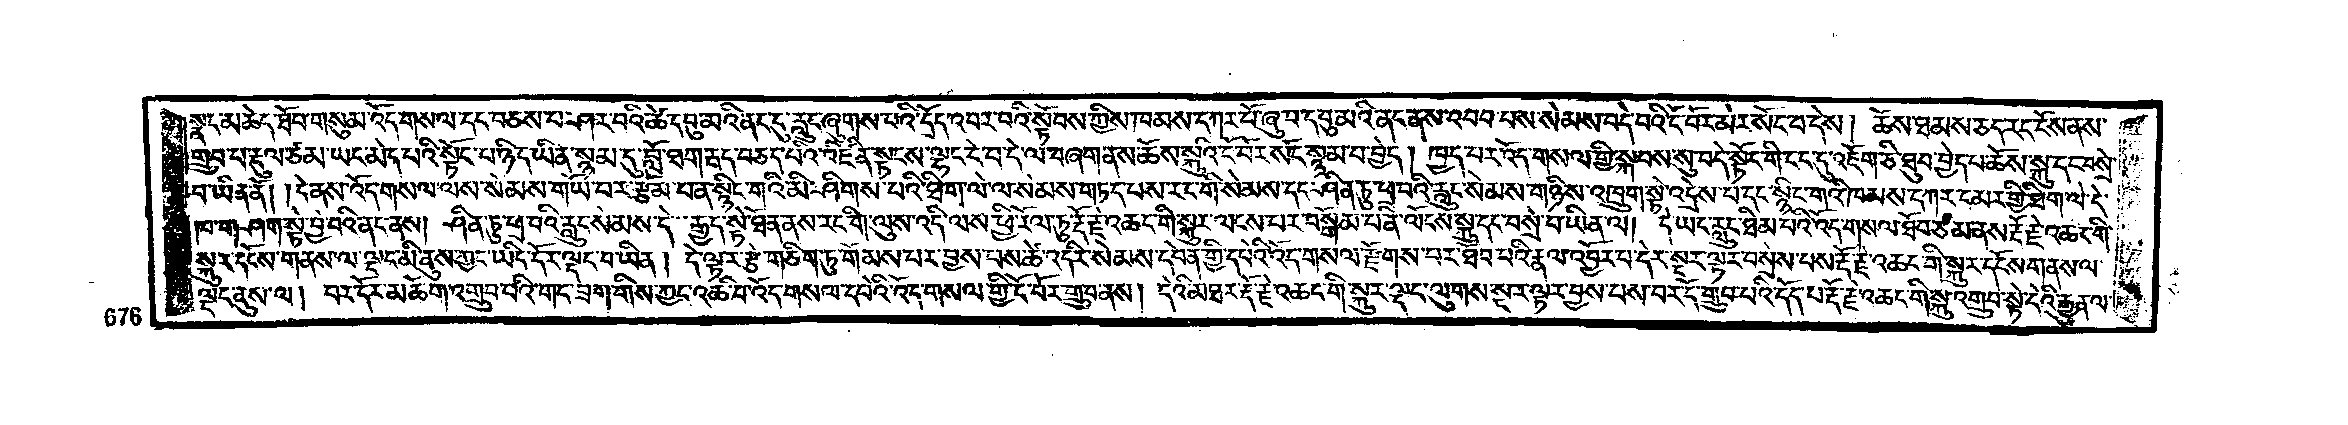སྣང་མཆེད་ཐོབ་གསུམ་འོད་གསལ་དང་བཅས་པ་ཤར་བའི་ཆེ་དབུ་མའི་ནང་དུ་རླུང་ཞུགས་པའི་དྲོད་འབར་བའི་སྟོབས་ཀྱིས་ཁམས་དཀར་པོ་ཞུ་བ་དབུ་མའི་ནང་ནས་འབབ་པས་སེམས་བདེ་བའི་ངོ་བོར་མེར་སོང་བ་དེས། ཆོས་ཐམས་ཅད་རང་ངོས་ནས་
གྲུབ་པ་རྡུལ་ཙམ་ཡང་མེད་པའི་སྟོང་པ་ཉིད་ཡིན་སྙམ་དུ་བློ་ཐག་རྦད་བཅད་པའི་འཛིན་སྟངས་ལྷང་ངེ་བ་དེ་ལ་བཞག་ནས་ཆོས་སྐུའི་ངོ་བོར་སོང་སྙམ་པ་བྱེད། ཁྱད་པར་འོད་གསལ་གྱི་སྐབས་སུ་བདེ་སྟོང་གི་ངང་དུ་འཇོག་ཅི་ཐུབ་བྱེད་པ་ཆོས་སྐུ་དང་བསྲེ་
བ་ཡིན་ནོ། །དེ་ནས་འོད་གསལ་ལས་སེམས་གཡོ་བར་རྩོམ་པ་ན་སྙིང་གའི་མི་ཤིགས་པའི་ཐིག་ལེ་ལ་སེམས་གཏད་པས་རང་གི་སེམས་དང་ཤིན་ཏུ་ཕྲ་བའི་རླུང་སེམས་གཉིས་འཁྲུག་སྟེ་འདྲེས་པ་དང་སྙིང་གའི་ཁམས་དཀར་དམར་གྱི་ཐིག་ལེ་དེ་
ཁ་གཤག་སྟེ་བྱེ་བའི་ནང་ནས། ཤིན་ཏུ་ཕྲ་བའི་རླུང་སེམས་དེ་རྒྱང་སྟེ་ཐོན་ནས་རང་གི་ལུས་འདི་ལས་ཕྱི་རོལ་ཏུ་རྡོ་རྗེ་འཆང་གི་སྐུར་ལངས་པར་བསྒོམ་པ་ནི་ལོངས་སྐུ་དང་བསྲེ་བ་ཡིན་ལ། དེ་ཡང་རླུང་ཐིམ་པའི་འོད་གསལ་ཐོབ་ཙམ་ནས་རྡོ་རྗེ་འཆང་གི་
སྐུར་དངོས་གནས་ལ་ལྡང་མི་ནུས་ཀྱང་ཡིད་དོར་ལྡང་བ་ཡིན། དེ་ལྟར་རྩེ་གཅིག་ཏུ་གོམས་པར་བྱས་པས་ཚེ་འདིར་སེམས་དབེན་གྱི་དཔེའི་འོད་གསལ་རྫོགས་པར་ཐོབ་པའི་རྣལ་འབྱོར་པ་དེས་སྔར་ལྟར་བསྲེས་པས་རྡོ་རྗེ་འཆང་གི་སྐུར་དངོས་གནས་ལ་
ལྡང་ནུས་ལ། བར་དོར་མཆོག་འགྲུབ་པའི་གང་ཟག་གིས་ཀྱང་འཆི་བ་འོད་གསལ་དཔེའི་འོད་གསལ་གྱི་ངོ་བོར་གྲུབ་ནས། དེའི་མཐར་རྡོ་རྗེ་འཆང་གི་སྐུར་ལྡང་ལུགས་སྔར་ལྟར་བྱས་པས་བར་དོ་གྲུབ་པའི་དོད་པ་རྡོ་རྗེ་འཆང་གི་སྐུ་འགྲུབ་སྟེ་དེའི་རྒྱུན་ལ་